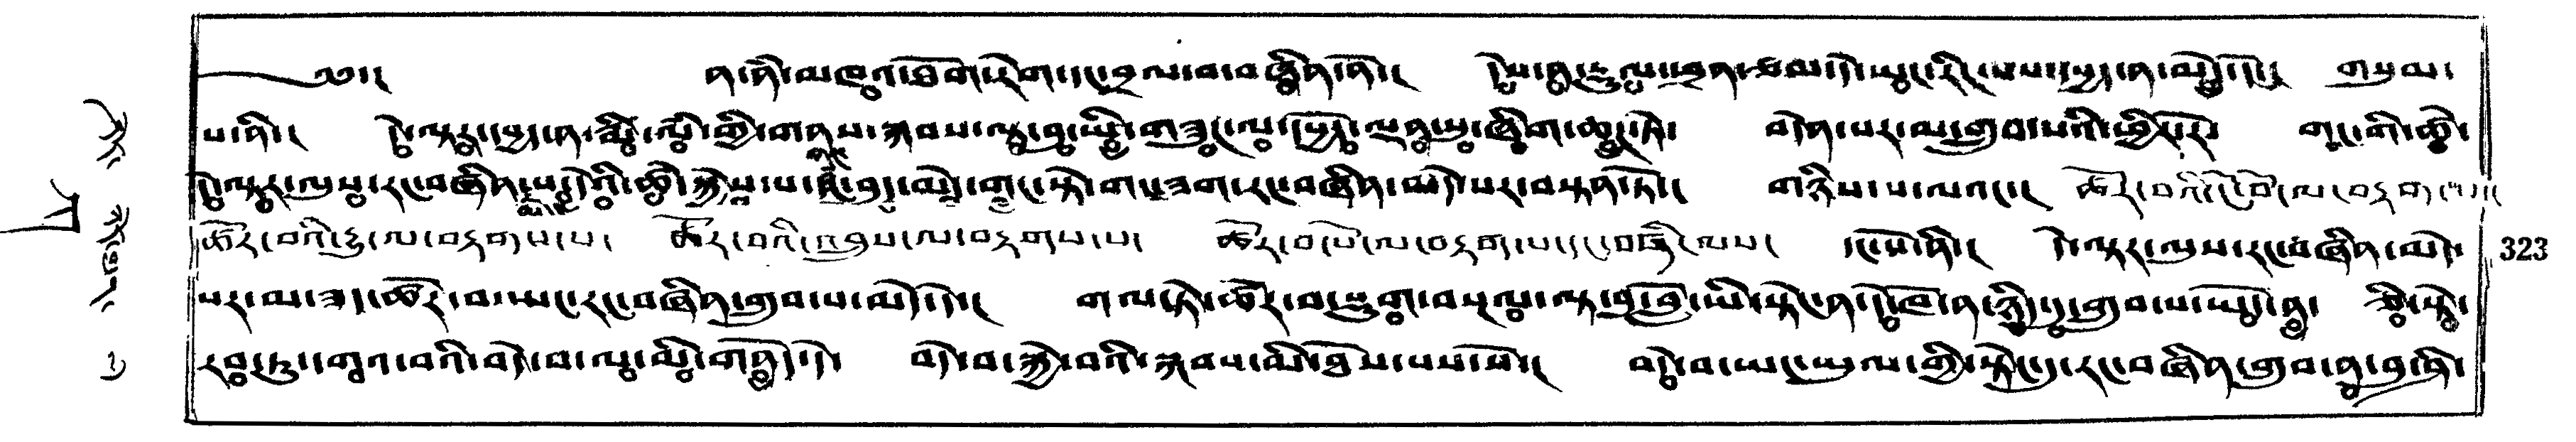ན་ནམ་མཁའ་ཐོགས་རེག་དང་བྲལ་བ་བཞིན་ནོ།། དེས་ན་རྡུལ་ཕྲན་ཙམ་དེ་ཡང་རིགས་པས་དཔྱད་ན་མེད་དོ། གསུམ་
པ་ནི། དེ་ལྟར་དཔྱད་ན་རྨི་ལམ་གྱི་གནས་སྐབས་ལྟ་བུ་ཡི་གཟུགས་ལ་དཔྱོད་ལྡན་སུ་ཞིག་ཆགས་ཏེ། བདེན་པར་མ་གྲུབ་པའི་ཕྱིར་རོ།། གང་གི་ཚེ་
དེ་ལྟར་ལུས་རང་བཞིན་མེད་པ་དེའི་ཚེ་སྐྱེས་པ་གང་དང་བུད་མེད་གང་སྟེ་གང་ཟག་རང་བཞིན་མེད་པར་བསྟན་ཏོ།།གཉིས་པ་ལའང་། ཚོར་བའི་ངོ་བོ་ལ་བརྟགས་པ།
ཚོར་བའི་རྒྱུ་ལ་བརྟགས་པ། ཚོར་བའི་འབྲས་བུ་ལ་བརྟགས་པ། ཚོར་བ་པོ་ལ་བརྟགས་པ་དང་བཞི་ལས། དང་པོ་ནི། དེ་ལྟར་ལུས་རང་བཞིན་མེད་
པར་མ་ཟད་ཚོར་བ་ཡང་རང་བཞིན་གྲུབ་པ་མེད་དེ། གལ་ཏེ་ཚོར་བ་སྡུག་བསྔལ་ལྟ་བུ་བློ་ཡི་སྟེང་ན་དེ་ཁོ་ན་ཉིད་དུ་གྲུབ་པ་ཡོད་ན། ཅི་སྟེ་
རབ་ཏུ་དགའ་བའི་བདེ་བ་ལ་མི་གནོད་དེ། བདེ་བ་སྐྱེ་བའི་སྐབས་མི་ཐོབ་པས་སོ།། བདེ་བ་ཡང་ཡུལ་གྱི་སྟེང་དུ་རང་བཞིན་གྱིས་གྲུབ་ན་བུ་ཤི་